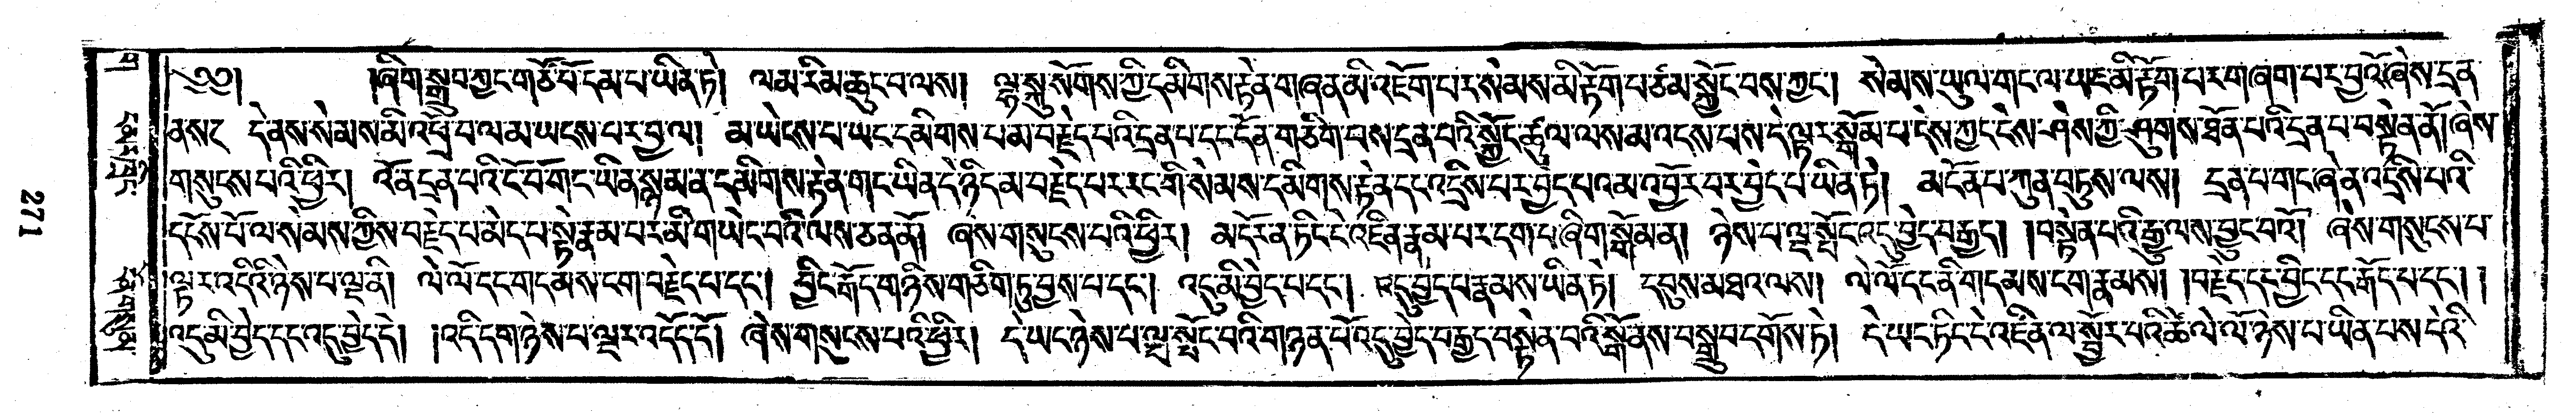༄༅། །ཞིག་སྒྲུབ་ཀྱང་གཙོ་བོ་དམ་པ་ཡིན་ཏེ། ལམ་རིམ་ཆུང་བ་ལས། ལྷ་སྐུ་སོགས་ཀྱི་དམིགས་རྟེན་གཞན་མི་འཇོག་པར་སེམས་མི་རྟོག་པ་ཙམ་སྐྱོང་བས་ཀྱང་། སེམས་ཡུལ་གང་ལ་ཡང་མི་རྟོག་པར་གཞག་པར་བྱའོ་ཞེས་དྲན་
ནས༑ དེ་ནས་སེམས་མི་འཕྲོ་བ་ལ་མ་ཡངས་པར་བྱ་ལ། མ་ཡེངས་པ་ཡང་དམིགས་པ་མ་བརྗེད་པའི་དྲན་པ་དང་དོན་གཅིག་པས་དྲན་པའི་སྐྱོང་ཚུལ་ལས་མ་འདས་པས་དེ་ལྟར་སྒོམ་པ་དེས་ཀྱང་ངེས་ཤེས་ཀྱི་ཤུགས་ཐོན་པའི་དྲན་པ་བསྟེན་ནོ། ཞེས་
གསུངས་པའི་ཕྱིར། འོ་ན་དྲན་པའི་ངོ་བོ་གང་ཡིན་སྙམ་ན་དམིགས་རྟེན་གང་ཡིན་དེ་ཉིད་མ་བརྗེད་པར་རང་གི་སེམས་དམིགས་རྟེན་དང་འདྲིས་པར་བྱེད་པའམ་འབྱོར་བར་བྱེད་པ་ཡིན་ཏེ། མངོན་པ་ཀུན་བཏུས་ལས། དྲན་པ་གང་ཞེ་ན་འདྲིས་པའི་
དངོས་པོ་ལ་སེམས་ཀྱིས་བརྗེད་པ་མེད་པ་སྟེ་རྣམ་པར་མི་གཡེང་བའི་ལས་ཅན་ནོ། ཞེས་གསུངས་པའི་ཕྱིར། མདོར་ན་ཏིང་ངེ་འཛིན་རྣམ་པར་དག་པ་ཞིག་སྒོམ་ན། ཉེས་པ་ལྔ་སྤོང་འདུ་བྱེད་བརྒྱད། །བསྟེན་པའི་རྒྱུ་ལས་བྱུང་བའོ། ཞེས་གསུངས་པ་
ལྟར་འདིའི་ཉེས་པ་ལྔ་ནི། ལེ་ལོ་དང་གདམས་ངག་བརྗེད་པ་དང་། བྱིང་རྒོད་གཉིས་གཅིག་ཏུ་བྱས་པ་དང་། འདུ་མི་བྱེད་པ་དང་། འདུ་བྱེད་པ་རྣམས་ཡིན་ཏེ། དབུས་མཐའ་ལས། ལེ་ལོ་དང་ནི་གདམས་ངག་རྣམས། །བརྗེད་དང་བྱིང་དང་རྒོད་པ་དང་། །
འདུ་མི་བྱེད་དང་འདུ་བྱེད་དེ། །འདི་དག་ཉེས་པ་ལྔར་འདོད་དོ། ཞེས་གསུངས་པའི་ཕྱིར། དེ་ཡང་ཉེས་པ་ལྔ་སྤོང་བའི་གཉན་པོ་འདུ་བྱེད་བརྒྱད་བསྟེན་པ་སྒོ་ནས་བསྒྲུབ་དགོས་ཏེ། དེ་ཡང་ཏིང་ངེ་འཛིན་ལ་སྦྱོར་པའི་ཚེ་ལེ་ལོ་ཉེས་པ་ཡིན་པས་དེའི་